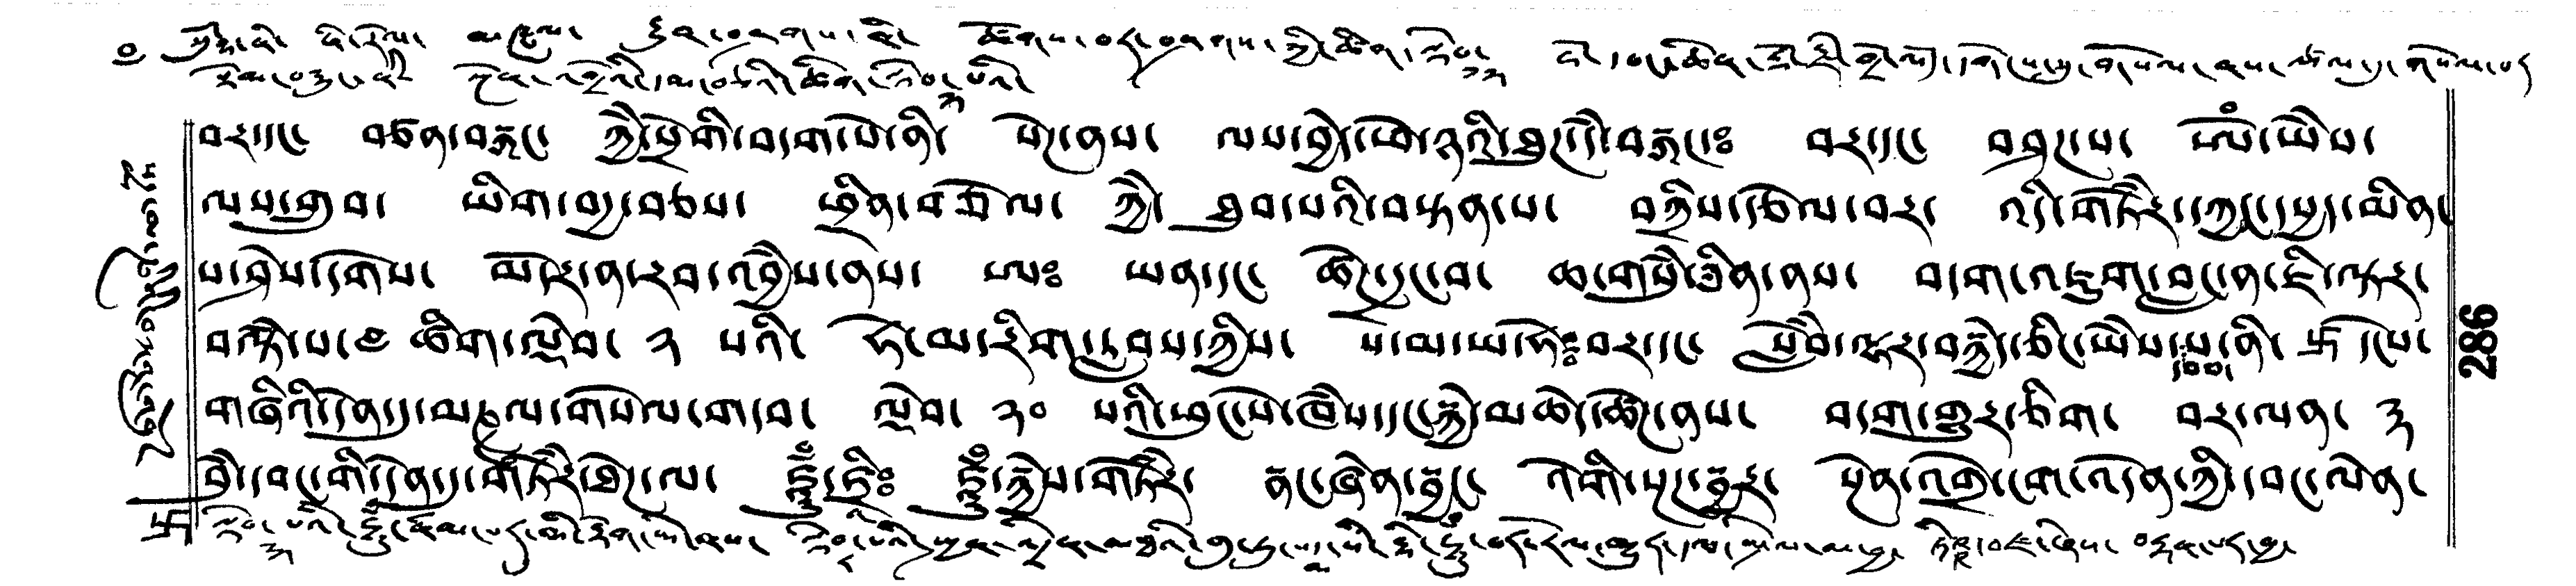བར་དང་། བཙན་བསྐང་། སྐྱེས་བུ་སྲོག་གི་བདག་པོ་ནི༔ སོགས་ནས། ས ལས་བྱེད་ཕོ་ཉའི་ཐུགས་དམ་བསྐང༔ བར་དང་། བཤགས་པ། ཨོཾ། ཡེ་ཤེས་
ལས་གྲུབ༴ ཡིག་བརྒྱ་བཅས། ཕྲིན་བཅོལ། ཀྱཻ། ཐུབ་པའི་བསྟན་པ༴ བཀྲ་ཤིས་སྩོལ༴ བར། འདི་གཏོར་མ་བཀྱགས་དཔྱད་མིན་
པ་ཤེས་དགོས། མདོར་ན་རབ་འབྱམས༴ ནས། ཨཱཿ ཡན་དང་། ཚོགས་དྲང་བ། ཆ་གསུམ་ཟིན་ནས། བདག་འཇུག་བླང་ན། ཇི་ལྟར་
བལྟམས་པ༴ ཚིག ལྡེབ་གཉིས་པའི། ཧོ༔ མ་རིག་རླབས་ཀྱིས༴ ས་མ་ཡ་ཧོཿ བར་དང་། སློབ་མ་ལྷར་བསྐྱེད་ཅིང་ཡེ་ཤེས་དབབ་པ་ནི་ དངོས་
གཞིའི་དོན་དུ་མཎྜལ་གསོལ་གདབ། ལྡེབ་ཉི་ཤུ་པའི། ཕུང་པོ་ཁམས་དང་སྐྱེ་མཆེད་ཚོགས༔ ནས། བདག་གྱུར་ཅིག༔ བར་ལན་གསུམ། 
བུམ་དབང་གི་དོན་དུ་གཏོར་མ་ཐོགས་ལ། ཧཱུྃ་ཧྲཱིཿ ཧཱུྃ་སྐྱེས་གཏོར་མ༴ སྣང་ཞེན་སྦྱངས༔ འོག་གི་སྔགས་སྦྱར། སྔོན་འགྲོ་ངག་འདོན་གྱི་དབང་ལེན་